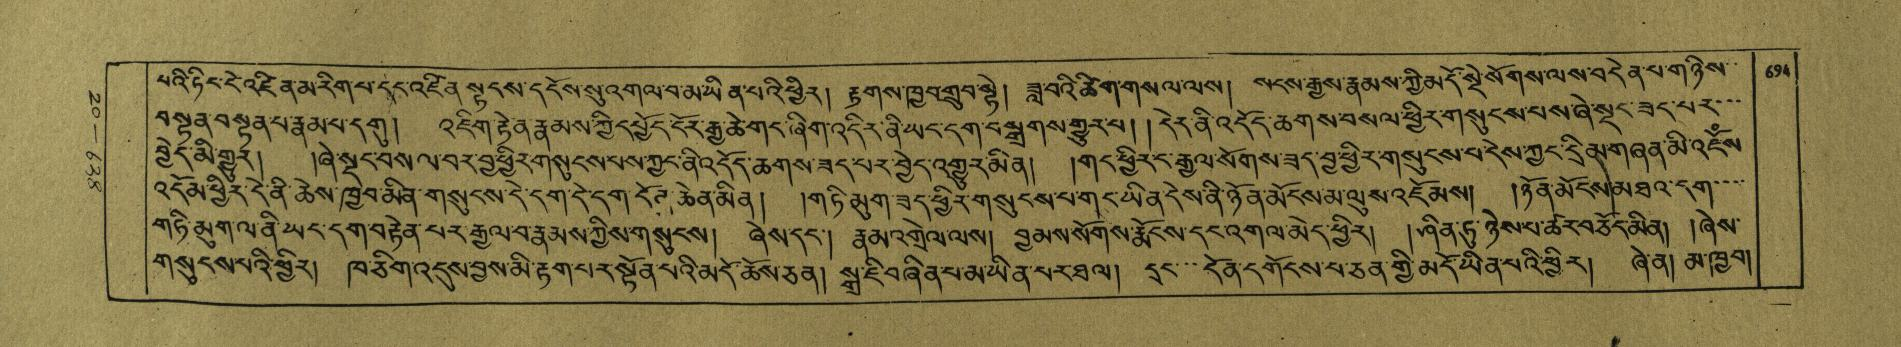པའི་ཏིང་ངེ་འཛིན་མ་རིག་པ་དང་འཛིན་སྟངས་དངོས་སུ་འགལ་བ་མ་ཡིན་པའི་ཕྱིར། རྟགས་ཁྱབ་གྲུབ་སྟེ། ཟླ་བའི་ཚིག་གསལ་ལས། སངས་རྒྱས་རྣམས་ཀྱི་མདོ་སྡེ་སོགས་ལས་བདེན་པ་གཉིས་
བསྟན་བསྟན་པ་རྣམ་པ་དགུ། འཇིག་རྟེན་རྣམས་ཀྱི་དཔྱོད་ངོར་རྒྱ་ཆེ་གང་ཞིག་འདིར་ནི་ཡང་དག་བསྒྲགས་གྱུར་པ། །དེར་ནི་འདོད་ཆགས་བསལ་ཕྱིར་གསུངས་པས་ཞེ་སྡང་ཟད་པར་
བྱེད་མི་གྱུར། །ཞེ་སྡང་བསལ་བར་བྱ་ཕྱིར་གསུངས་པས་ཀྱང་ནི་འདོད་ཆགས་ཟད་པར་བྱེད་འགྱུར་མིན། །གང་ཕྱིར་ང་རྒྱལ་སོགས་ཟད་བྱ་ཕྱིར་གསུངས་པ་དེས་ཀྱང་དྲི་མ་གཞན་མི་འཇོཾས་
འདོམ་ཕྱིར་དེ་ནི་ཆེས་ཁྱབ་མིན་གསུངས་དེ་དག་དེ་དག་དོན་ཆེན་མིན། །གཏི་མུག་ཟད་ཕྱིར་གསུངས་པ་གང་ཡིན་དེས་ནི་ཉོན་མོངས་མ་ལུས་འཇོམས། །ཉོན་མོངས་མཐའ་དག་
གཏི་མུག་ལ་ནི་ཡང་དག་བརྟེན་པར་རྒྱལ་བ་རྣམས་ཀྱིས་གསུངས། ཞེས་དང་། རྣམ་འགྲེལ་ལས། བྱམས་སོགས་རྨོངས་དང་འགལ་མེད་ཕྱིར། །ཤིན་ཏུ་ཉེས་པ་ཚར་བཅོད་མིན། །ཞེས་
གསུངས་པའི་ཕྱིར། ཁ་ཅིག་འདུས་བྱམས་མི་རྟག་པར་སྟོན་པའི་མདོ་ཆོས་ཅན། སྒྲ་ཇི་བཞིན་པ་མ་ཡིན་པར་ཐལ། དྲང་དོན་དགོངས་པ་ཅན་གྱི་མདོ་ཡིན་པའི་ཕྱིར། ཞེ་ན། མ་ཁྱབ།